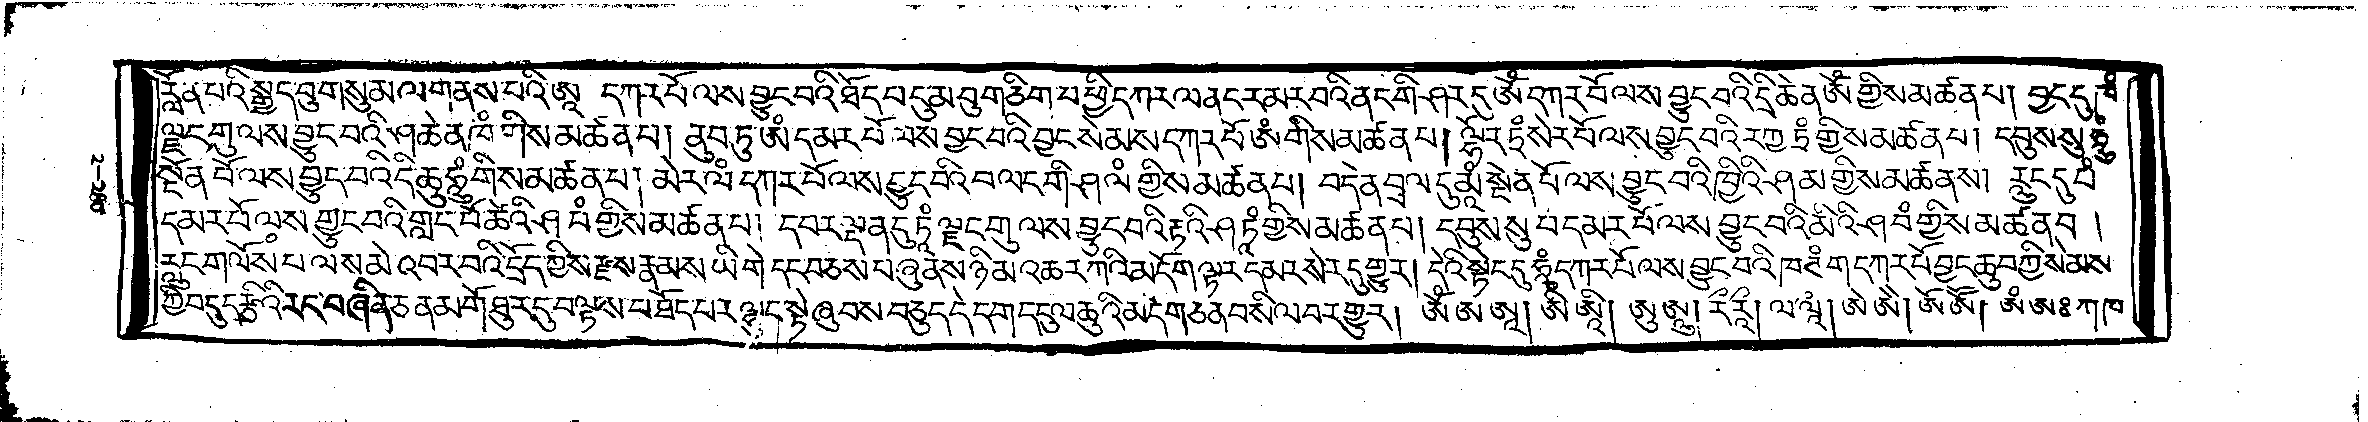རློན་པའི་སྒྱེད་བུ་གསུམ་ལ་གནས་པའི་ཨཱ་དཀར་པོ་ལས་བྱུང་བའི་ཐོད་བ་དུམ་བུ་གཅིག་པ་ཕྱི་དཀར་ལན་ངར་མར་བའི་ནང་གི་ཤར་དུ་ཨོཾ་དཀར་པོ་ལས་བྱུང་བའི་དྲི་ཆེན་ཨོཾ་གྱིས་མཚན་པ། བྱང་དུ་ཁཾ་
ལྗང་གུ་ལས་བྱུང་བའི་ཤ་ཆེན་ཁཾ་གྱིས་མཚན་པ། ནུབ་ཏུ་ཨོཾ་དམར་པོ་ལས་བྱང་བའི་བྱང་སེམས་དཀར་པོ་ཨཾ་གིས་མཚན་པ། ལྷོར་ཏྲཾ་སེར་བོ་ལས་བྱུང་བའི་རཀྱ་ཏྲཾ་གྱིས་མཚན་པ། དབུས་སུ་ཧཱུཾ་
སྔོན་པོ་ལས་བྱུང་བའི་དི་ཆུ་ཧཱུཾ་གིས་མཚན་པ། མེར་ལཾ་དཀར་པོ་ལས་བྱུང་བའི་བ་ལང་གི་ཤ་ལཾ་གྱིས་མཚན་པ། བདེན་བྲལ་དུ་མཱཾ་སྔོན་པོ་ལས་བྱུང་བའི་ཁྱིའི་ཤམ་གྱིས་མཚན་ནས། རླུང་དུབ་
དམར་པོ་ལས྾་བྱུང་བའི་གླང་པོ་ཆེའི་ཤ་པཾ་གྱིས་མཚན་པ། དབར་ལྡན་དུ་ཏཱཾ་ལྷང་གུ་ལས་བྱུང་བའི་རྟའི་ཤ་ཏཱཾ་གྱིས་མཚན་པ། དབུས་སུ་པདམར་པོ་ལས་བྱུང་བའི་མིའི་ཤ་བཾ་གྱིས་མཚན་བ།
རླུང་གློས་པ་ལས་མེ་འབར་བའི་དྲོད་ཀྱིས་རྫས་རྣམས་ཡི་གེ་དང་བཅས་བཞུ་ནས་ཉི་མ་འཆར་ཀའི་མདོག་ལྟར་དམར་སེར་དུ་གྱུར། དེའི་སྟེང་དུ་ཧཱུཾ་དཀར་པོ་ལས་བྱུང་བའི་ཁཊཾག་དཀར་པོ་བྱང་ཆུབ་ཀྱི་སེམས་
ཀྱི་བདུད་རྩིའི་རང་བཞིན་ཅན་མགོ་ཐུར་དུ་བལྟས་པ་ཐོད་པར་ལྷུང་སྟེ་ཞུ་བས་བཅུད་དེ་དག་དངུལ་ཆུའི་མདོག་ཅན་བསིལ་བར་གྱུར། ཨོཾ་ཨ་ཨཱ། ཨི་ཨཱི། ཨུ་ཨཱུ། རྀ་རཱྀ། ལ་ལཱི། ཨེ་ཨཻ། ཨོ་ཨཽ། ཨཾ་ཨཿ ཀ་ཁ་